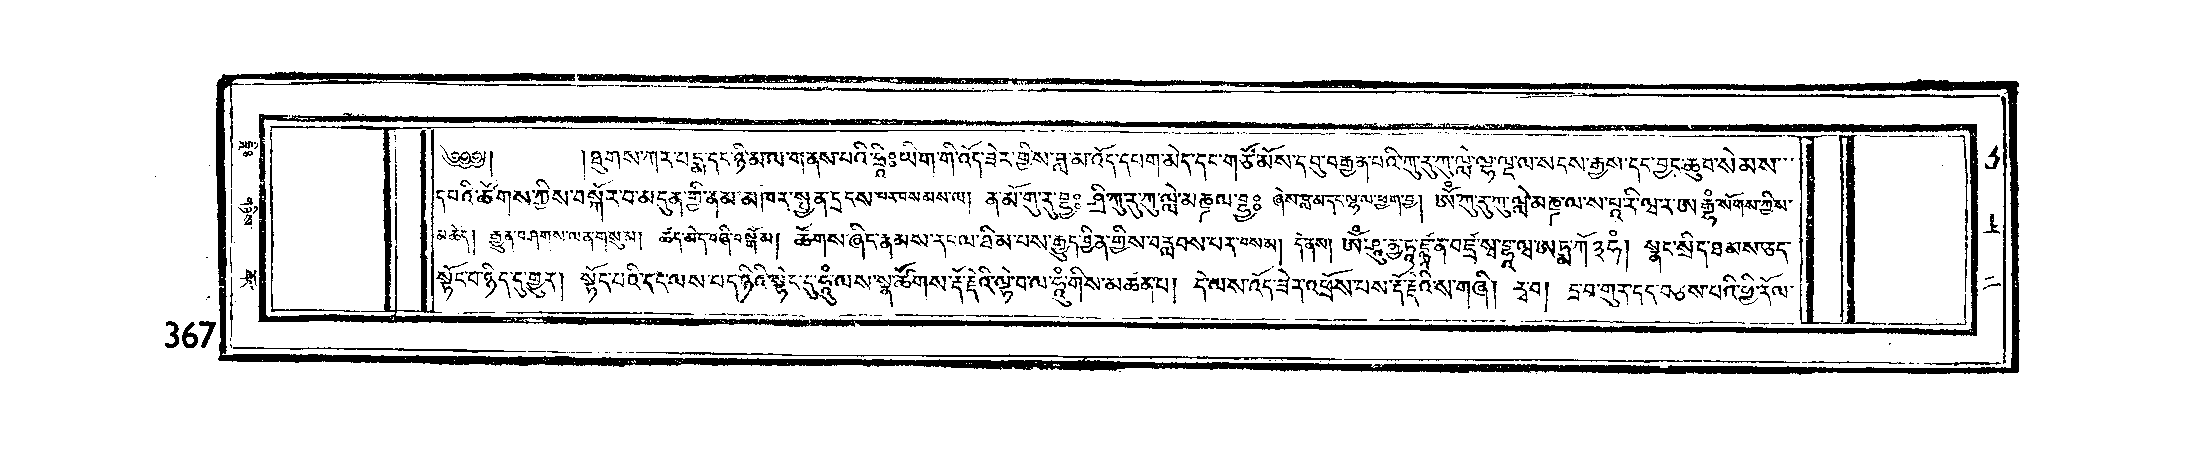༄༅། །ཐུགས་ཀར་པདམ་དང་ཉི་མ་ལ་གནས་པའི་ཧྲཱིཿ ཡིག་གི་འོད་ཟེར་གྱིས་བླ་མ་འོད་དཔག་མེད་དང་གཙོ་མོས་དབུ་བརྒྱན་པའི་ཀུ་རུ་ཀུ་ལླེ་ལྷ་ལྔ་ལ་སངས་རྒྱས་དང་བྱང་ཆུབ་སེམས་
དཔའི་ཚོགས་ཀྱིས་བསྐོར་བ་མདུན་གྱི་ནམ་མཁར་སྤྱན་དྲངས་པར་བསམས་ལ། ན་མོ་གུ་རུ་བྷྱཿ ཤྲི་ཀུ་རུ་ཀུ་ལླེ་མཎྜལ་བྷྱཿ ཞེས་བླ་མ་དང་ལྷ་ལ་ཕྱག་བྱ། ཨོཾ་ཀུ་རུ་ཀུ་ལླེ་མཎྜ་ལ་ས་པཱ་རི་ཝ་ར་ཨརྒྷཾ་སོགས་ཀྱིས་
མཆོད། རྒྱུན་བཤགས་ལན་གསུམ། ཚད་མེད་བཞི་བསྒོམ། ཚོགས་ཞིང་རྣམས་རང་ལ་ཐིམ་པས་རྒྱུད་བྱིན་གྱིས་བརླབས་པར་བསམ། དེ་ནས། ཨོཾ་ཤཱུ་ནྱ་ཏཱ་ཛྙཱ་ན་བཛྲ་སྭ་བཧཱ་ཝ་ཨཏམ་ཀོཉ་ཧཾ། སྣང་སྲིད་ཐམས་ཅད་
སྟོང་པ་ཉིད་དུ་གྱུར། སྟོང་པའི་ངང་ལས་པད་ཉིའི་སྟེང་དུ་ཧཱུཾ་ལས་སྣ་ཚོགས་རྡོ་རྗེའི་ལྟེ་བ་ལ་ཧཱུཾ་གིས་མཚན་པ། དེ་ལས་འོད་ཟེར་འཕྲོས་པས་རྡོ་རྗེའི་ས་གཞི། རྭ་བ། དྲ་བ་གུར་དང་བཅས་པའི་ཕྱི་རོལ་